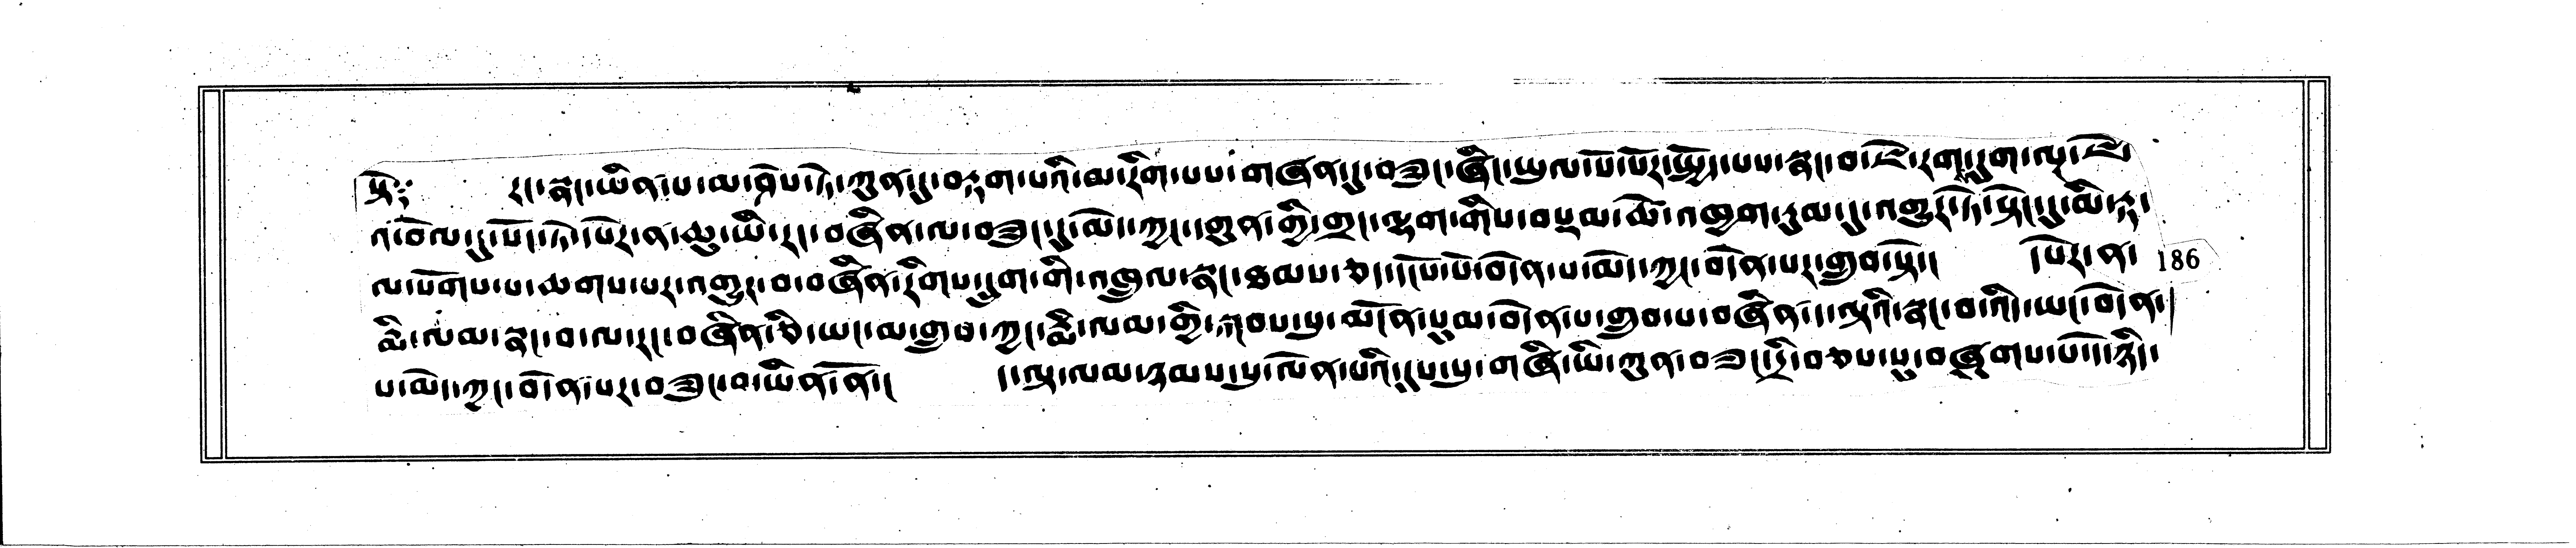སྟེ། རང་སྣང་ཡིན་པ་མ་ཤེས་ཏེ། ཀུན་ཏུ་བརྟགས་པའི་མ་རིག་པས་གཞན་བཟུང་ཞིང་ཡུལ་སོ་སོར་གཅོད་པས་སྣང་བ་ཇེ་རགས་དུག་ལྔ་ཇེ་
འཕེལ་དུ་སོང་སྟེ། དཔེར་ན་ཆུ་ཡི་རང་བཞིན་ལ་བཟུང་དུ་མེད་ཀྱང་དགུན་གྱི་གྲང་ལྷག་གིས་བསྡམས་ཚེ་འཁྱག་རོམ་དུ་འགྱུར་ཏེ་སྟེང་དུ་མི་རྟ་
ལ་སོགས་པ་ཆགས་པར་འགྱུར་བ་བཞིན། རིགས་དྲུག་གི་འཁྲུལ་སྣང་ཐམས་ཅད་དངོས་པོ་བདེན་པ་མེད་ཀྱང་བདེན་པར་གྲུབ་སྟེ། དཔེར་ན་
རྨི་ལམ་སྣང་བ་ལ་རང་བཞིན་ཅི་ཡང་མ་གྲུབ་ཀྱང་རྨི་ལམ་གྱི་སྐབས་སུ་མངོན་སུམ་བདེན་པ་གྲུབ་པ་བཞིན་ད་ལྟའི་སྣང་བ་འདི་ཡང་བདེན་
པ་མེད་ཀྱང་བདེན་པ་བཟུང་བ་ཡིན་ནོ། །ད་ལྟ་ལམ་ཉམས་སུ་ལེན་པའི་དུས་སུ་གཞི་ཡི་ཀུན་བཟང་དྲི་བཅས་སུ་བཞུགས་པ་དེ་ཉིད་